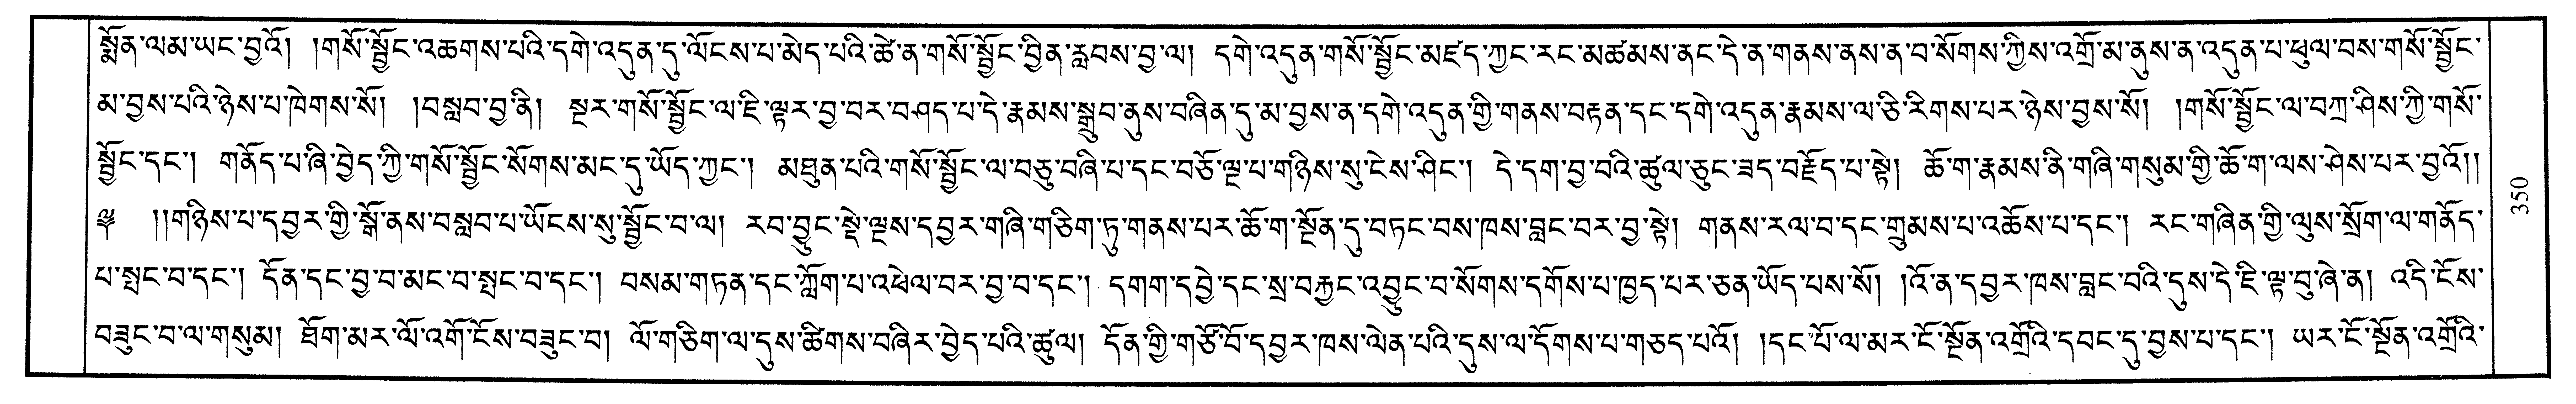སྨོན་ལམ་ཡང་བྱའོ། །གསོ་སྦྱོང་འཆགས་པའི་དགེ་འདུན་དུ་ལོངས་པ་མེད་པའི་ཚེ་ན་གསོ་སྦྱོང་བྱིན་རླབས་བྱ་ལ། དགེ་འདུན་གསོ་སྦྱོང་མཛད་ཀྱང་རང་མཚམས་ནང་དེ་ན་གནས་ནས་ན་བ་སོགས་ཀྱིས་འགྲོ་མ་ནུས་ན་འདུན་པ་ཕུལ་བས་གསོ་སྦྱོང་
མ་བྱས་པའི་ཉེས་པ་ཁེགས་སོ། །བསླབ་བྱ་ནི། སྔར་གསོ་སྦྱོང་ལ་ཇི་ལྟར་བྱ་བར་བཤད་པ་དེ་རྣམས་སྒྲུབ་ནུས་བཞིན་དུ་མ་བྱས་ན་དགེ་འདུན་གྱི་གནས་བརྟན་དང་དགེ་འདུན་རྣམས་ལ་ཅི་རིགས་པར་ཉེས་བྱས་སོ། །གསོ་སྦྱོང་ལ་བཀྲ་ཤིས་ཀྱི་གསོ་
སྦྱོང་དང་། གནོད་པ་ཞི་བྱེད་ཀྱི་གསོ་སྦྱོང་སོགས་མང་དུ་ཡོད་ཀྱང་། མཐུན་པའི་གསོ་སྦྱོང་ལ་བཅུ་བཞི་པ་དང་བཅོ་ལྔ་པ་གཉིས་སུ་ངེས་ཤིང་། དེ་དག་བྱ་བའི་ཚུལ་ཅུང་ཟད་བརྗོད་པ་སྟེ། ཆོ་ག་རྣམས་ནི་གཞི་གསུམ་གྱི་ཆོ་ག་ལས་ཤེས་པར་བྱའོ།།
༈ །།གཉིས་པ་དབྱར་གྱི་སྒོ་ནས་བསླབ་པ་ཡོངས་སུ་སྦྱོང་བ་ལ། རབ་བྱུང་སྡེ་ལྔས་དབྱར་གཞི་གཅིག་ཏུ་གནས་པར་ཆོ་ག་སྔོན་དུ་བཏང་བས་ཁས་བླང་བར་བྱ་སྟེ། གནས་རལ་བ་དང་གྲུམས་པ་འཆོས་པ་དང་། རང་བཞིན་གྱི་ལུས་སྲོག་ལ་གནོད་
པ་སྤང་བ་དང་། དོན་དང་བྱ་བ་མང་བ་སྤང་བ་དང་། བསམ་གཏན་དང་ཀློག་པ་འཕེལ་བར་བྱ་བ་དང་། དགག་དབྱེ་དང་སྲ་བརྐྱང་འབྱུང་བ་སོགས་དགོས་པ་ཁྱད་པར་ཅན་ཡོད་པས་སོ། །འོ་ན་དབྱར་ཁས་བླངས་བའི་དུས་དེ་ཇི་ལྟ་བུ་ཞེ་ན། འདི་ངོས་
བཟུང་བ་ལ་གསུམ། ཐོག་མར་ལོ་འགོ་ངོས་བཟུང་བ། ལོ་གཅིག་ལ་དུས་ཚིགས་བཞིར་བྱེད་པའི་ཚུལ། དོན་གྱི་གཙོ་བོ་དབྱར་ཁས་ལེན་པའི་དུས་ལ་དོགས་པ་གཅད་པའོ། །དང་པོ་ལ་མར་ངོ་སྔོན་འགྲོའི་དབང་དུ་བྱས་པ་དང་། ཡར་ངོ་སྔོན་འགྲོའི་